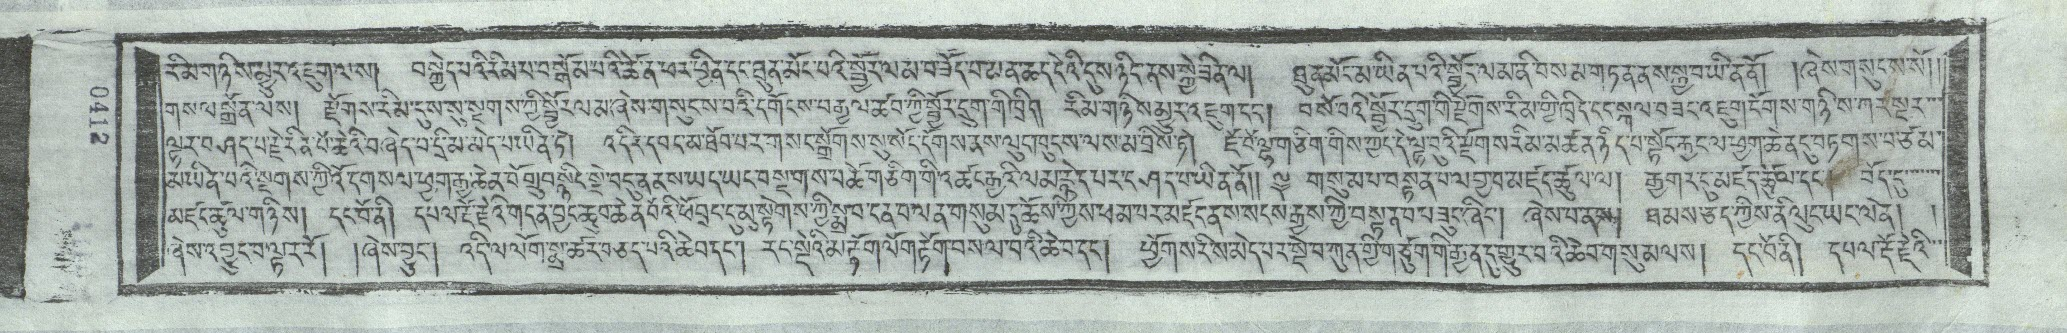རིམ་གཉིས་མྱུར་འཇུག་ལས། བསྐྱེད་པའི་རིམ་པ་བསྒོམ་པའི་ཚེ་ན་ཕར་ཕྱིན་དང་ཐུན་མོང་པའི་སྦྱོར་ལམ་བཟོད་པ་མན་ཆད་དེའི་དུས་ཉིད་ནས་སྐྱེ་ཟིན་ལ། ཐུན་མོང་མ་ཡིན་པའི་སྦྱོང་ལམ་ནི་བསམ་གཏན་ནས་སྐྱབ་ཡི་ན་ནོ། །ཞེས་གསུངས་སོ།།
གསལ་སྒྲོན་ལས། རྫོགས་རིམ་དུས་སུ་སྔགས་ཀྱི་སྦྱོར་ལམ་ཞེས་གསུངས་པའི་དགོངས་བ་རྒྱལ་ཚབ་ཀྱི་སྦྱོར་དྲུག་གི་ཁྲིད། རིམ་གཉིས་མྱུར་འཇུག་དང་། བསོ་བའི་སྦྱོར་དྲུག་གི་རྫོགས་རིམ་གྱི་ཁྲིད་དང་སྐལ་བཟང་འཇུག་ངོགས་གཉིས་ཀར་སྔར་
ལྟར་བཤད་པ་རྗེ་རིན་པོ་ཆེའི་བཞེད་པ་དྲི་མ་མེད་པ་ཡིན་ཏེ། འདིར་དབང་མ་ཐོབ་པར་གསང་སྒྲོགས་སུ་སོང་དོགས་ནས་ལུང་ཁུངས་ལས་མ་བྲིས་ཏེ། ཇོ་བོ་ལྷ་གཅིག་གིས་ཀྱང་དེ་ལྟ་བུའི་རྫོགས་རིམ་མཚན་ཉིད་པ་སྟོང་རྒྱང་ལ་ཕྱག་ཆེན་དུ་བཏགས་པ་ཙམ་
མ་ཡིན་པའི་སྔགས་ཀྱིའོད་གསལ་ཕྱག་རྒྱ་ཆེན་པོ་གྲུབ་སྙིང་སྡེ་བདུན་ནས་ཡད་ཡང་བསྔགས་པ་ཆོ་གཅིག་གི་འཚང་རྒྱའི་ལམ་རྙེད་པར་བཤད་པ་ཡིན་ནོ། ༈གསུམ་པ་བསྟན་པ་ལ་བྱ་བ་མཛད་ཚུལ་ལ། རྒྱ་གར་དུ་མཛད་ཚུལ་དང་། བོད་དུ་
མཛད་ཚུལ་གཉིས། དང་བོ་ནི། དཔལ་རྡོ་རྗེའི་གདན་བྱང་ཆུབ་ཆེན་པོའི་ཕོ་བྲང་དུ་མུ་སྟེགས་ཀྱི་སྨྲ་བ་ངན་བ་ལན་གསུམ་དུ་ཆོས་ཀྱིས་ཕམ་པར་མཛད་ནས་སངས་རྒྱས་ཀྱི་བསྟན་པ་བཟུང་ཞིང་། ཞེས་པ་ནས། ཐམས་ཅད་ཀྱིས་ནི་ལུང་ཡང་ལེན།
ཞེས་འབྱུང་བ་ལྟར་རོ། །ཞེས་བྱུང་། འདི་ལ་ལོག་སྨྲ་ཚར་བཅད་པའི་ཆེ་བ་དང་། རང་སྡེའི་མ་རྟོག་ལོག་རྟོག་བསལ། བའི་ཆེ་བ་དང་། ཕྱོགས་རིས་མེད་པར་སྡེ་བ་ཀུན་གྱི་གཙུག་གི་རྒྱན་དུ་གྱུར་བའི་ཆེབ་གསུམ་ལས། དང་བོ་ནི། དཔལ་རྡོ་རྗེའི་